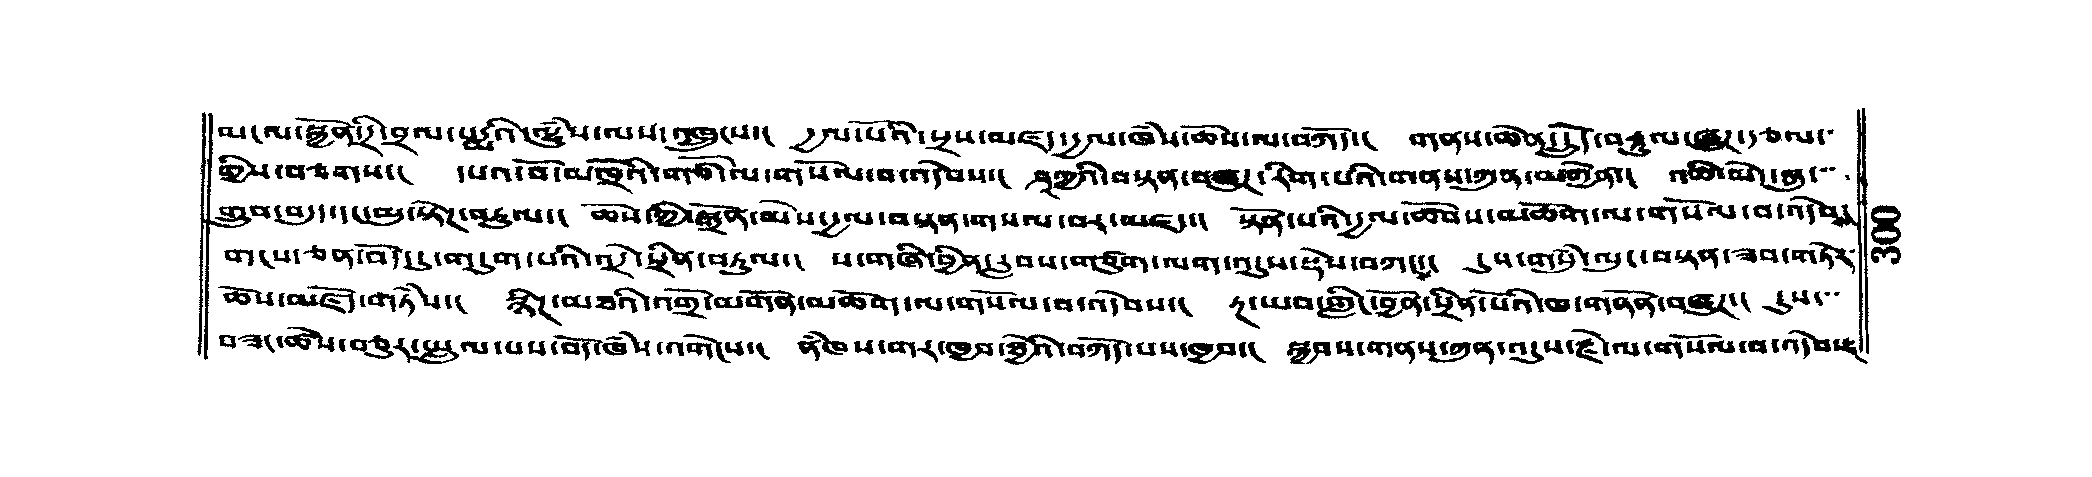།མངལ་སྐྱོན་དྲི་བྲལ་པདྨའི་ལྷུམས་ནས་འཁྲུངས། །རྒྱལ་པོའི་སྲས་མཛད་རྒྱལ་ཁམས་ཆོས་ལ་བཀོད། །གནས་ཆེན་དུར་ཁྲོད་བརྟུལ་ཞུགས་རྩལ་
གྱིས་བཅགས། །དཔའ་བོ་མཁའ་འགྲོའི་གཙོ་ལ་གསོལ་བ་འདེབས། །ཤཱཀྱའི་བསྟན་ཞུགས་རིག་པའི་གནས་ཀུན་མཁྱེན། །འཆི་མེད་སྐུ་
གྲུབ་བདུད་དང་མུ་སྟེགས་བཏུལ། །ཆོས་ཀྱི་སྒྲོན་མེས་རྒྱལ་བསྟན་གསལ་བར་མཛད། །སྟོན་པའི་རྒྱལ་ཚབ་མཆོག་ལ་གསོལ་བ་འདེབས། །
གངས་ཅན་བོད་དུ་གདུག་པའི་འདྲེ་སྲིན་བཏུལ། །ས་གཞི་བྱིན་བརླབས་གཙུག་ལག་འདུས་སྡེས་བཀངས། །དུས་གསུམ་ལུང་བསྟན་ཟབ་གཏེར་
ཆོས་མཛོད་གཏམས། །སྙིགས་མཐའི་འགྲོ་མགོན་མཆོག་ལ་གསོལ་བ་འདེབས། །རྔ་ཡབ་གླིང་བྱོན་སྲིན་པོའི་ཁ་གནོན་བཞུགས། །དུས་
བཟང་ཚེས་བཅུར་སྤྲུལ་པས་བོད་ཁམས་འགེངས། །ནམ་མཁས་གར་ཁྱབ་ཐུགས་རྗེའི་བཀོད་པས་ཁྱབ། །སྐྱབས་གནས་ཀུན་འདུས་རྗེ་ལ་གསོལ་བ་འདེབས།